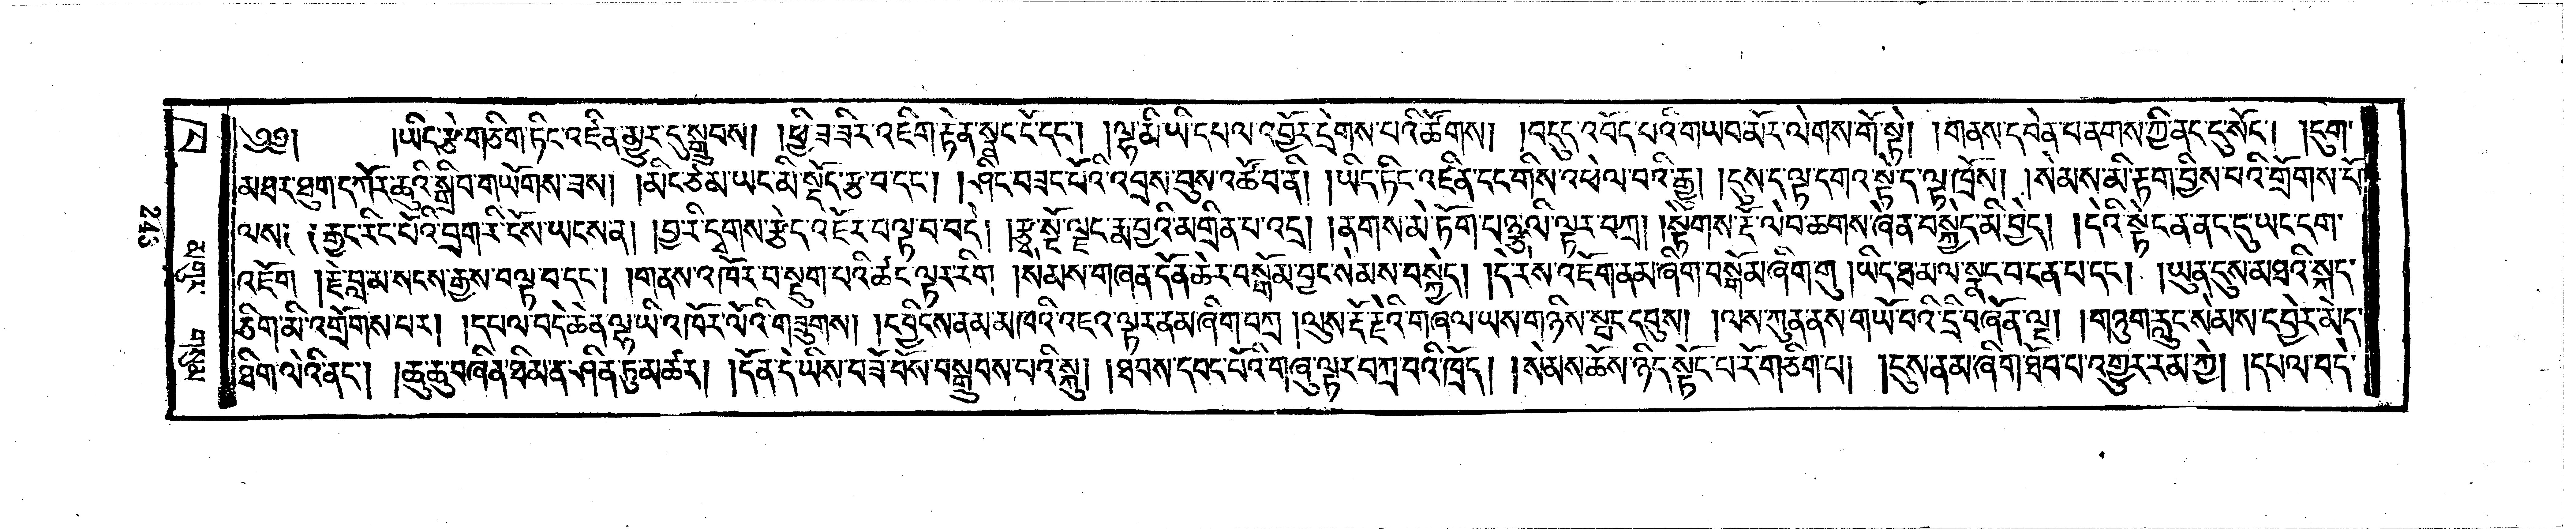༄༅། །ཡིང་རྩེ་གཅིག་ཏིང་འཛིན་མྱུར་དུ་སྒྲུབས། །ཕྱི་ཟ་ཟིར་འཇིག་རྟེན་སྣང་ངོ་དང་། །ལྷ་མི་ཡི་དཔལ་འབྱོར་དྲེགས་པའི་ཚོགས། །བདུད་འབོད་པའི་གཡབ་མོར་ལེགས་གོ་སྟེ། །གནས་དབེན་པ་ནགས་ཀྱི་ནང་དུ་སོང་། །དུག་
མཐར་ཐུག་དཀོར་ཆུའི་སྒྲིབ་གཡོགས་ཟས། །མིང་ཙམ་ཡང་མི་སྡོད་རྩ་བ་དང་། །ཤིང་བཟང་པོའི་འབྲས་བུས་འཚོ་བ་ནི། །ཡིད་ཏིང་འཛིན་ངང་གིས་འཕེལ་བའི་རྒྱུ། །དུས་ད་ལྟ་དགའ་སྟེ་ད་ལྟ་ཁྲོས། །སེམས་མི་རྟག་བྱིས་པའི་གྲོགས་པོ་
ལས༑ ༑རྒྱང་རིང་པོའི་བྲག་རི་ངོས་ཡངས་ན། །བྱ་རི་དྭགས་རྩེད་འཇོར་བལྟ་བ་བདེ། །རྩྭ་སྔོ་ལྗང་རྨ་བྱའི་མགྲིན་པ་འདྲ། །ནགས་མེ་ཏོག་པ་ཉྩ་ལི་ལྟར་བཀྲ། །སྟེགས་རྡོ་ལེབ་ཆགས་ཞེན་བསྐྱེད་མི་བྱེད། །དེའི་སྟེང་ན་ནང་དུ་ཡང་དག་
འཇོག །རྗེ་བླ་མ་སངས་རྒྱས་བལྟ་བ་དང་། །གནས་འཁོར་བ་སྡུག་པའི་ཚང་ལྟར་རིག །སེམས་གཞན་དོན་ཆེར་བསྒོམ་བྱང་སེམས་བསྐྱེད། །དེ་རེས་འཇོག་ནམ་ཞིག་བསྒོམ་ཞིག་གུ །ཡིད་ཐ་མལ་སྣང་བ་ངན་པ་དང་། །ཡུན་དུས་མཐའི་སྐད་
ཅིག་མི་འགྲོགས་པར། །དཔལ་བདེ་ཆེན་ལྷ་ཡི་འཁོར་ལོའི་གཟུགས། །དབྱིངས་ནམ་མཁའི་འཇའ་ལྟར་ནམ་ཞིག་བཀྲ་།ལུས་རྡོ་རྗེའི་གཞལ་ཡས་གཉིས་སྤང་དབུས། །ལས་ཀུན་ནས་གཡོ་བའི་དྲི་བཞོན་ལྔ། །གཉུག་རླུང་སེམས་དབྱེར་མེད་
ཐིག་ལེའི་ནང་། །ཆུ་ཆུ་བཞིན་ཐིམ་ན་ཤིན་ཏུ་མཚར། །དོན་དེ་ཡིས་བཟོ་བོས་བསྒྲུབས་པའི་སྐུ། །ཐབས་དབང་པོའི་གཞུ་ལྟར་བཀྲ་བའི་ཁྲོད། །སེམས་ཆོས་ཉིད་སྟོང་པ་རོ་གཅིག་པ། །དུས་ནམ་ཞིག་ཐོབ་པ་འགྱུར་རམ་ཀྱེ། །དཔལ་བདེ་